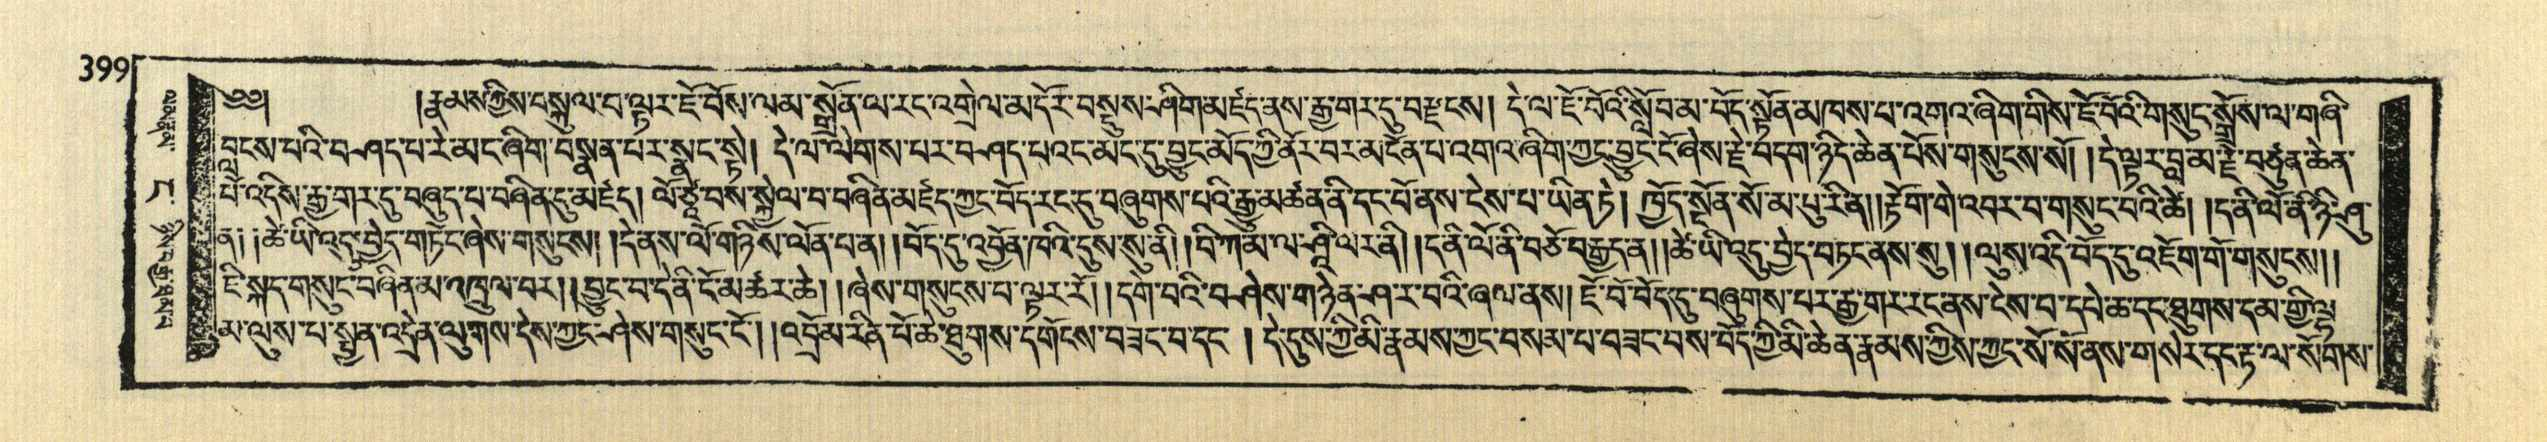༄༅། །རྣམས་ཀྱིས་བསྐུལ་བ་ལྟར་ཇོ་བོས་ལམ་སྒྲོན་ལ་རང་འགྲེལ་མདོར་བསྡུས་ཤིག་མཛད་ནས་རྒྱ་གར་དུ་བརྫངས། དེ་ལ་ཇོ་བོའི་སློབ་མ་བོད་སྟོན་མཁས་པ་འགའ་ཞིག་གིས་ཇོ་བོའི་གསུང་སྒྲོས་ལ་གཞི་
བླངས་པའི་བཤད་པ་རེ་མང་ཞིག་བསྣན་པར་སྣང་སྟེ། དེ་ལ་ལེགས་པར་བཤད་པའང་མང་དུ་བྱུང་མོད་ཀྱི་ནོར་བར་མངོན་པ་འགའ་ཞིག་ཀྱང་བྱུང་ངོ་ཞེས་རྗེ་བདག་ཉིད་ཆེན་པོས་གསུངས་སོ། །དེ་ལྟར་བླ་མ་རྗེ་བཙུན་ཆེན་
པོ་འདིས་རྒྱ་གར་དུ་བཞུད་པ་བཞིན་དུ་མཛད། ལོ་ཙཱ་བས་སྐྱེལ་བ་བཞིན་མཛད་ཀྱང་བོད་རང་དུ་བཞུགས་པའི་རྒྱུ་མཚན་ནི་དང་པོ་ནས་ངེས་པ་ཡིན་ཏེ། ཁྱོད་སྔོན་སོ་མ་པུ་རིན། །རྟོག་གེ་འབར་བ་གསུངས་བའི་ཚེ། །ད་ནི་ལོ་ནི་ཉི་ཤུ་
ན༑ ༑ཚེ་ཡི་འདུ་བྱེད་གཏོང་ཞེས་གསུངས། །དེ་ནས་ལོ་གཉིས་ལོན་པ་ན། །བོད་དུ་འབྱོན་ཁའི་དུས་སུ་ནི། །བི་ཀ་མ་ལ་ཤཱི་ལར་ནི། །ད་ནི་ལོ་ནི་བཅོ་བརྒྱད་ན། །ཚེ་ཡི་འདུ་བྱེད་བཏང་ནས་སུ། །ལུས་འདི་བཅོད་དུ་འཇོག་གོ་གསུངས། །
ཇི་སྐད་གསུང་བཞིན་མ་འཁྲུལ་བར། །བྱུང་བ་དེ་ནི་ངོ་མཚར་ཆེ། །ཞེས་གསུངས་པ་ལྟར་རོ། །དགེ་བའི་བཤེས་གཉེན་ཤར་བའི་ཞལ་ནས། ཇོ་བོ་བོད་དུ་བཞུགས་པར་རྒྱ་གར་རང་ནས་ངེས་པ་དཔེ་ཆ་དང་ཐུགས་དམ་གྱི་ལྷ་
མ་ལུས་པ་སྤྱན་འདྲེན་ལུགས་དེས་ཀྱང་ཤེས་གསུང་ངོ། །འབྲོམ་རིན་པོ་ཆེ་ཐུགས་དགོངས་བཟང་བ་དང་། དེ་དུས་ཀྱི་མི་རྣམས་ཀྱང་བསམ་པ་བཟང་པས་བོད་ཀྱི་མི་ཆེན་རྣམས་ཀྱིས་ཀྱང་སོ་སོ་ནས་གསེར་རྡང་རྟ་ལ་སོགས་